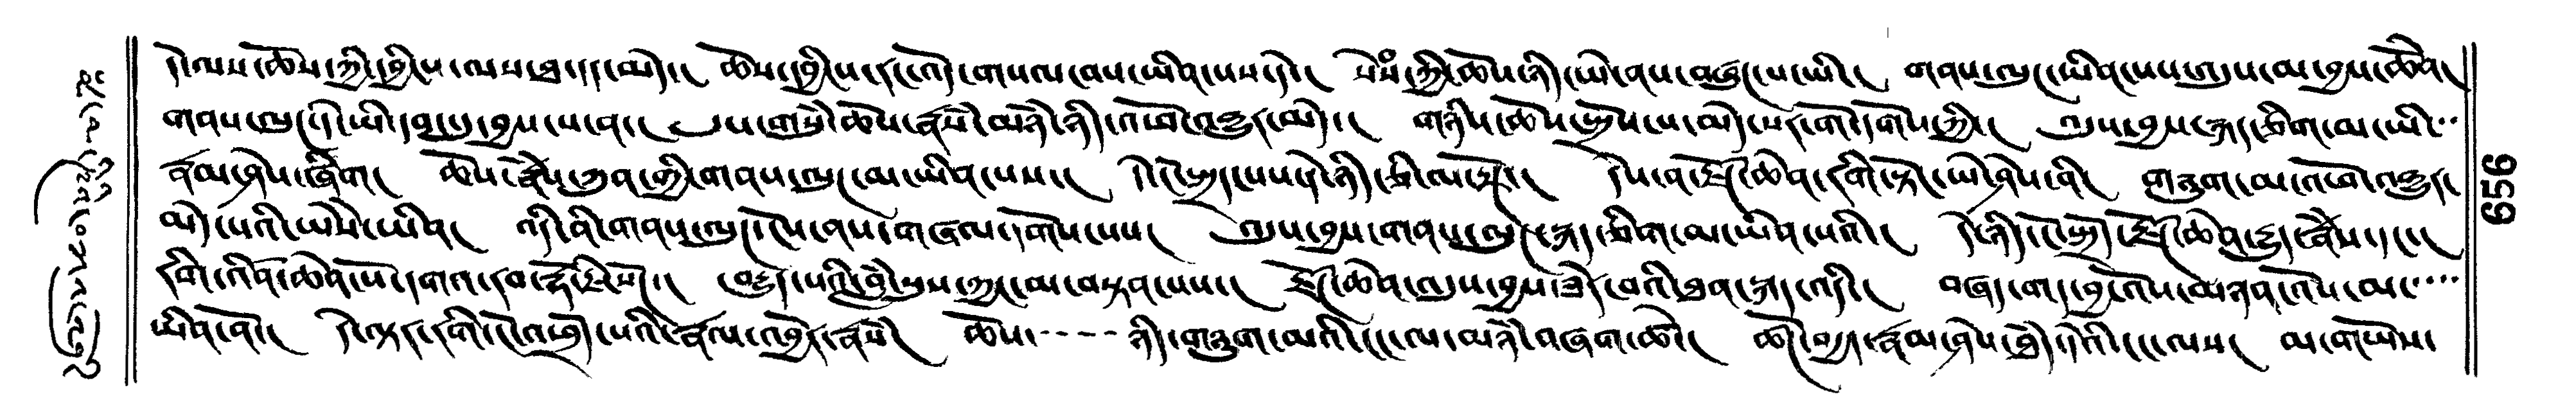།དོ་ལས་ཆོས་ཀྱི་དབྱིངས་ལ་ཐ་དད་མེད། །ཆོས་དབྱིངས་རང་འོད་གསལ་བ་ཡིན་པས་དེ། །སེམས་ཀྱི་ཆོས་ཉིད་ཡེ་ནས་བཞུགས་པ་ཡི། །གནས་ལུགས་ཡིན་པས་འདུས་མ་བྱས་ཆེན་པོ། །
གནས་ལུགས་དེ་ཡི་དབང་དུ་བྱས་པ་ན། །དུས་གསུམ་ཆོས་རྣམས་མཉམ་ཉིད་འཕོ་འགྱུར་མེད། །གཉིས་ཆོས་སྤྲོས་པ་མེད་པར་གོ་དགོས་ཀྱི། །འདུས་བྱས་སྐད་ཅིག་མ་ཡི་
རྣམ་ཤེས་ཞིག ཆོས་རྣམས་ཀུན་གྱི་གནས་ལུགས་མ་ཡིན་པས། །དེ་ངོ་སྤྲད་པས་དེ་ཉིད་ཅི་ལ་རྟོགས། །དེས་ན་རྫོགས་ཆེན་རིག་སྟོང་ཡེ་ཤེས་ནི། །གཉུག་མ་འཕོ་འགྱུར་
མེད་པའི་ཡེ་ཤེས་ཡིན། །འདི་ནི་གནས་ལུགས་ངེས་ནས་གཞལ་དགོས་པས། །འདུས་བྱས་གནས་ལུགས་སྐད་ཅིག་མ་ཡིན་པའི། །དེ་ཉིད་ངོ་སྤྲོད་རྫོགས་ཆེན་རྒྱུད་རྣམས་དང་། །
རིག་འཛིན་ཆེན་པོ་དགའ་རབ་རྡོ་རྗེ་སོགས། །བརྒྱུད་པའི་བླ་མ་སུས་ཀྱང་མ་བསྟན་པས། །རྫོགས་ཆེན་འདུས་བྱས་ཟེར་བའི་ཐན་སྐད་འདི། །བཞད་གད་བྱ་འོས་མཉན་འོས་མ་
ཡིན་ནོ། །དེ་ལྟར་རིག་ངོ་འཕྲོད་པའི་རྣལ་འབྱོར་རྣམས། །ཆོས་ཉིད་གཉུག་མའི་ངང་ལ་མཉམ་བཞག་ཚེ། །ཚོགས་བརྒྱད་རྣམ་ཤེས་ཐམས་ཅད་དེའི་ངང་ལས། །མ་གཡོས་